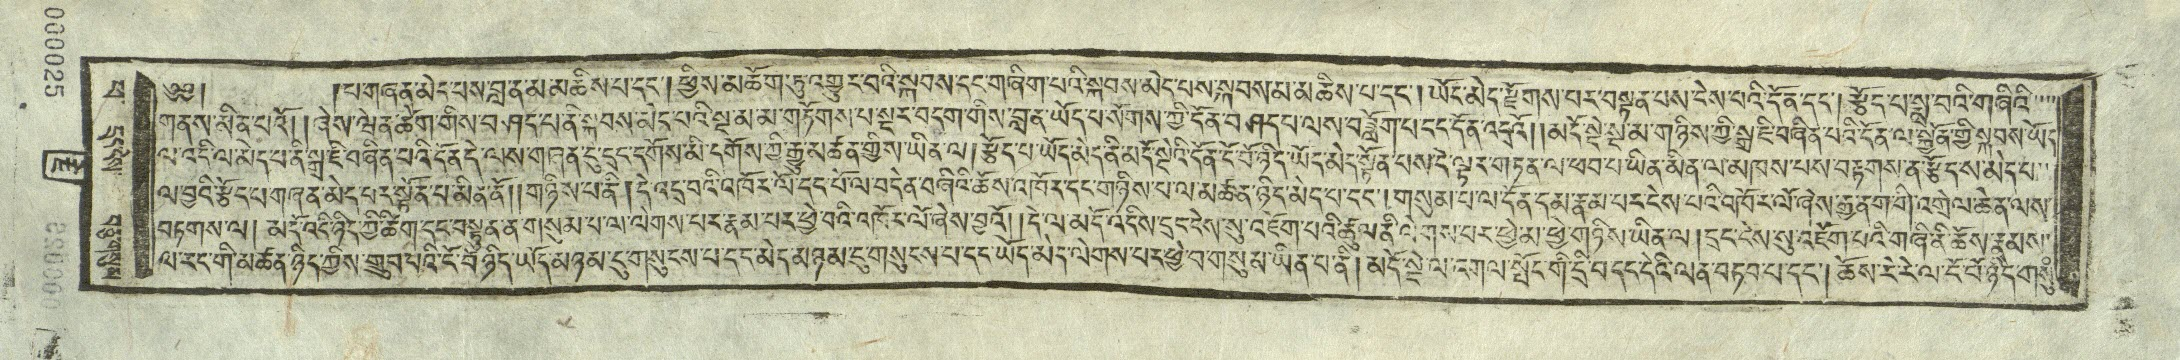༄༅། །པ་གཞན་མེད་པས་བླ་ན་མ་མཆིས་པ་དང་། ཕྱིས་མཆོག་ཏུ་འགྱུར་པའི་སྐབས་དང་གཞིག་པའི་སྐབས་མེད་པས་སྐབས་མ་མཆིས་པ་དང་། ཡོད་མེད་རྫོགས་པར་བསྟན་པས་ངེས་པའི་དོན་དང་། རྩོད་པ་སྨྲ་བའི་གཞིའི་
གནས་མིན་པའོ། །ཞེས་ཝེན་ཚེག་གིས་བཤད་པ་ནི་སྐབས་མེད་པའི་སྔ་མ་མ་གཏོགས་པ་སྔར་བདག་གིས་བླ་ན་ཡོད་པ་སོགས་ཀྱི་དོན་བཤད་པ་ལས་བཟློག་པ་དང་དོན་འདྲའོ། །མདོ་སྡེ་སྔ་མ་གཉིས་ཀྱི་སྒྲ་ཇི་བཞིན་པའི་དོན་ལ་སྐྱོན་གྱི་སྐབས་ཡོད་
ལ་འདི་ལ་མེད་པ་ནི་སྒྲ་ཇི་བཞིན་པའི་དོན་དེ་ལས་གཞན་དུ་དྲང་དགོས་མི་དགོས་ཀྱི་རྒྱུ་མཚན་གྱིས་ཡིན་ལ། རྩོད་པ་ཡོད་མེད་ནི་མདོ་སྡེའི་དོན་ངོ་བོ་ཉིད་ཡོད་མེད་སྟོན་པས་དེ་ལྟར་གཏན་ལ་ཕབ་པ་ཡིན་མིན་ལ་མཁས་པས་བརྟགས་ན་རྩོད་ས་མེད་པ་
ལ་བྱའི་རྩོད་པ་གཞན་མེད་པར་སྟོན་པ་མིན་ནོ། །གཉིས་པ་ནི། དེ་འདྲ་བའི་འཁོར་ལོ་དང་པོ་ལ་བདེན་བཞིའི་ཆོས་འཁོར་དང་གཉིས་པ་ལ་མཚན་ཉིད་མེད་པ་དང་། གསུམ་པ་ལ་དོན་དམ་རྣམ་པར་ངེས་བའི་འཁོར་ལོ་ཞེས་རྒྱ་ནག་གི་འགྲེལ་ཆེན་ལས་
བཏགས་ལ། མདོ་འདི་ཉིད་ཀྱི་ཚེག་དང་བསྟུན་ན་གསུམ་པ་ལ་ལེགས་པར་རྣམ་པར་ཕྱེ་བའི་འཁོར་ལོ་ཞེས་བྱའོ། །དེ་ལ་མདོ་འདིས་དྲང་ངེས་སུ་འཇོག་པའི་ཚུལ་ནི་ལེགས་པར་ཕྱེ་མ་ཕྱེ་གཉིས་ཡིན་ལ། དྲང་ངེས་སུ་འཇོག་པའི་གཞི་ནི་ཆོས་རྣམས་
པ་རང་གི་མཚན་ཉིད་ཀྱིས་གྲུབ་པའི་ངོ་བོ་ཉིད་ཡོད་མཉམ་དུ་གསུངས་པ་དང་མེད་མཉམ་དུ་གསུངས་པ་དང་ཡོད་མེད་ལེགས་པར་ཕྱེ་བ་གསུམ་ཡིན་པ་ནི། མདོ་སྡེ་ལ་འགལ་སྤོང་གི་དྲི་བ་དང་དེའི་ལན་བཏབ་པ་དང་། ཆོས་རེ་རེ་ལ་ངོ་བོ་ཉིད་གསུམ་